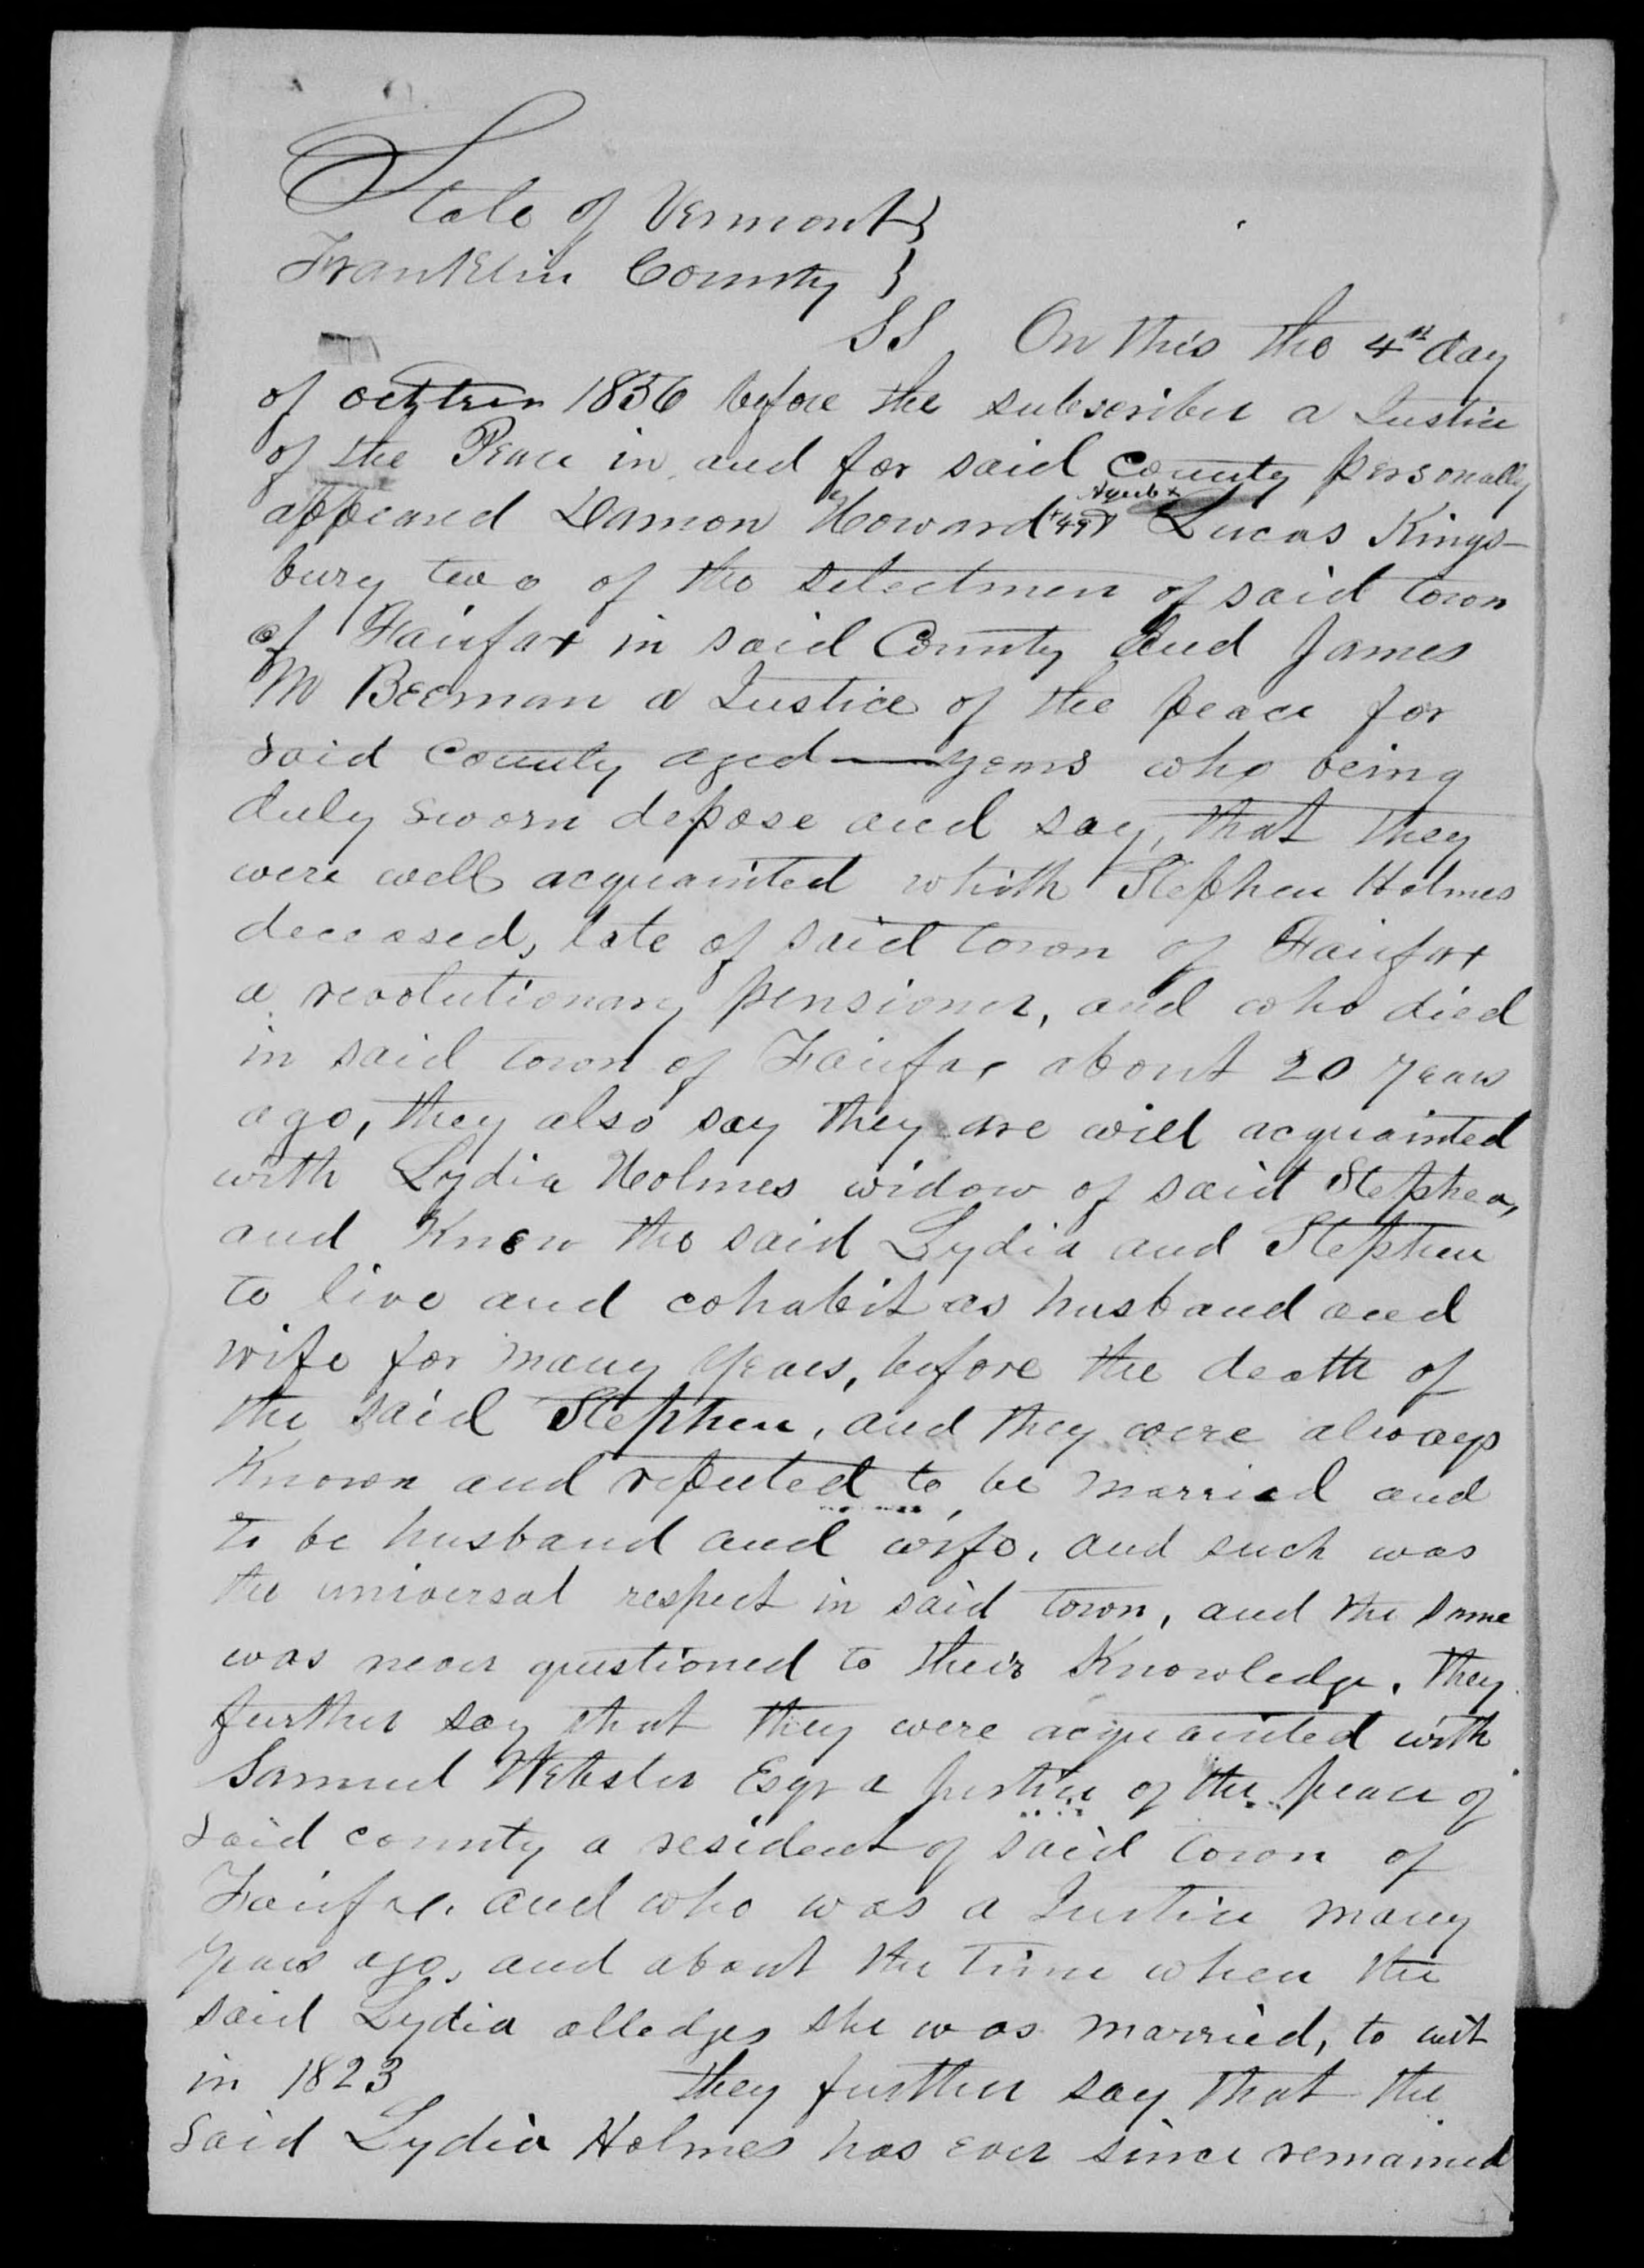State of Vermont
Franklin County SS

On this the 4th day of October 1836 before the subscriber a Justice of the Peace in and for said County personally appeared Damon Howard ^Aged 49 Lucas Kingsbury two of the selectmen of said Town of Fairfax in said County and James M Beeman a Justice of the Peace for said County ages - years who being duly sworn depose and say that they were well acquainted whith Stephen Holmes deceased, late of said town of Fairfax a revolutionary pensioner, and who did in said town of Fairfax about 20 years ago, they also day they are will acquainted with Lydia Holmes widow of said Stephen and know the said Lydia and Stephen to live and cohabit as husband and wife for many years, before the death of the said Stephen, and they were always known and reputed to be married and to be husband and wife, and such was the universal respect in said town, and the [illegible] was [illegible] questioned to their Knowledge. They further say that they were acquainted with Samuel Webster Esq a Justice of the Peace of said County a resident of said town of Fairfax, and who was a Justice many years ago and about the time when the said Lydia alledjes she was married, to wit in 1823, they further say that the said Lydia Holmes has ever since remained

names: Stephen, Lucas Kingsbury, Lydia, Lydia, Samuel Webster, Stephen Holmes, James M Beeman, Lydia Holmes, Stephen, Damon Howard, Lydia Holmes, Stephen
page: 43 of 72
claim: widow's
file: W. 7771, Stephen Holmes, Vt.